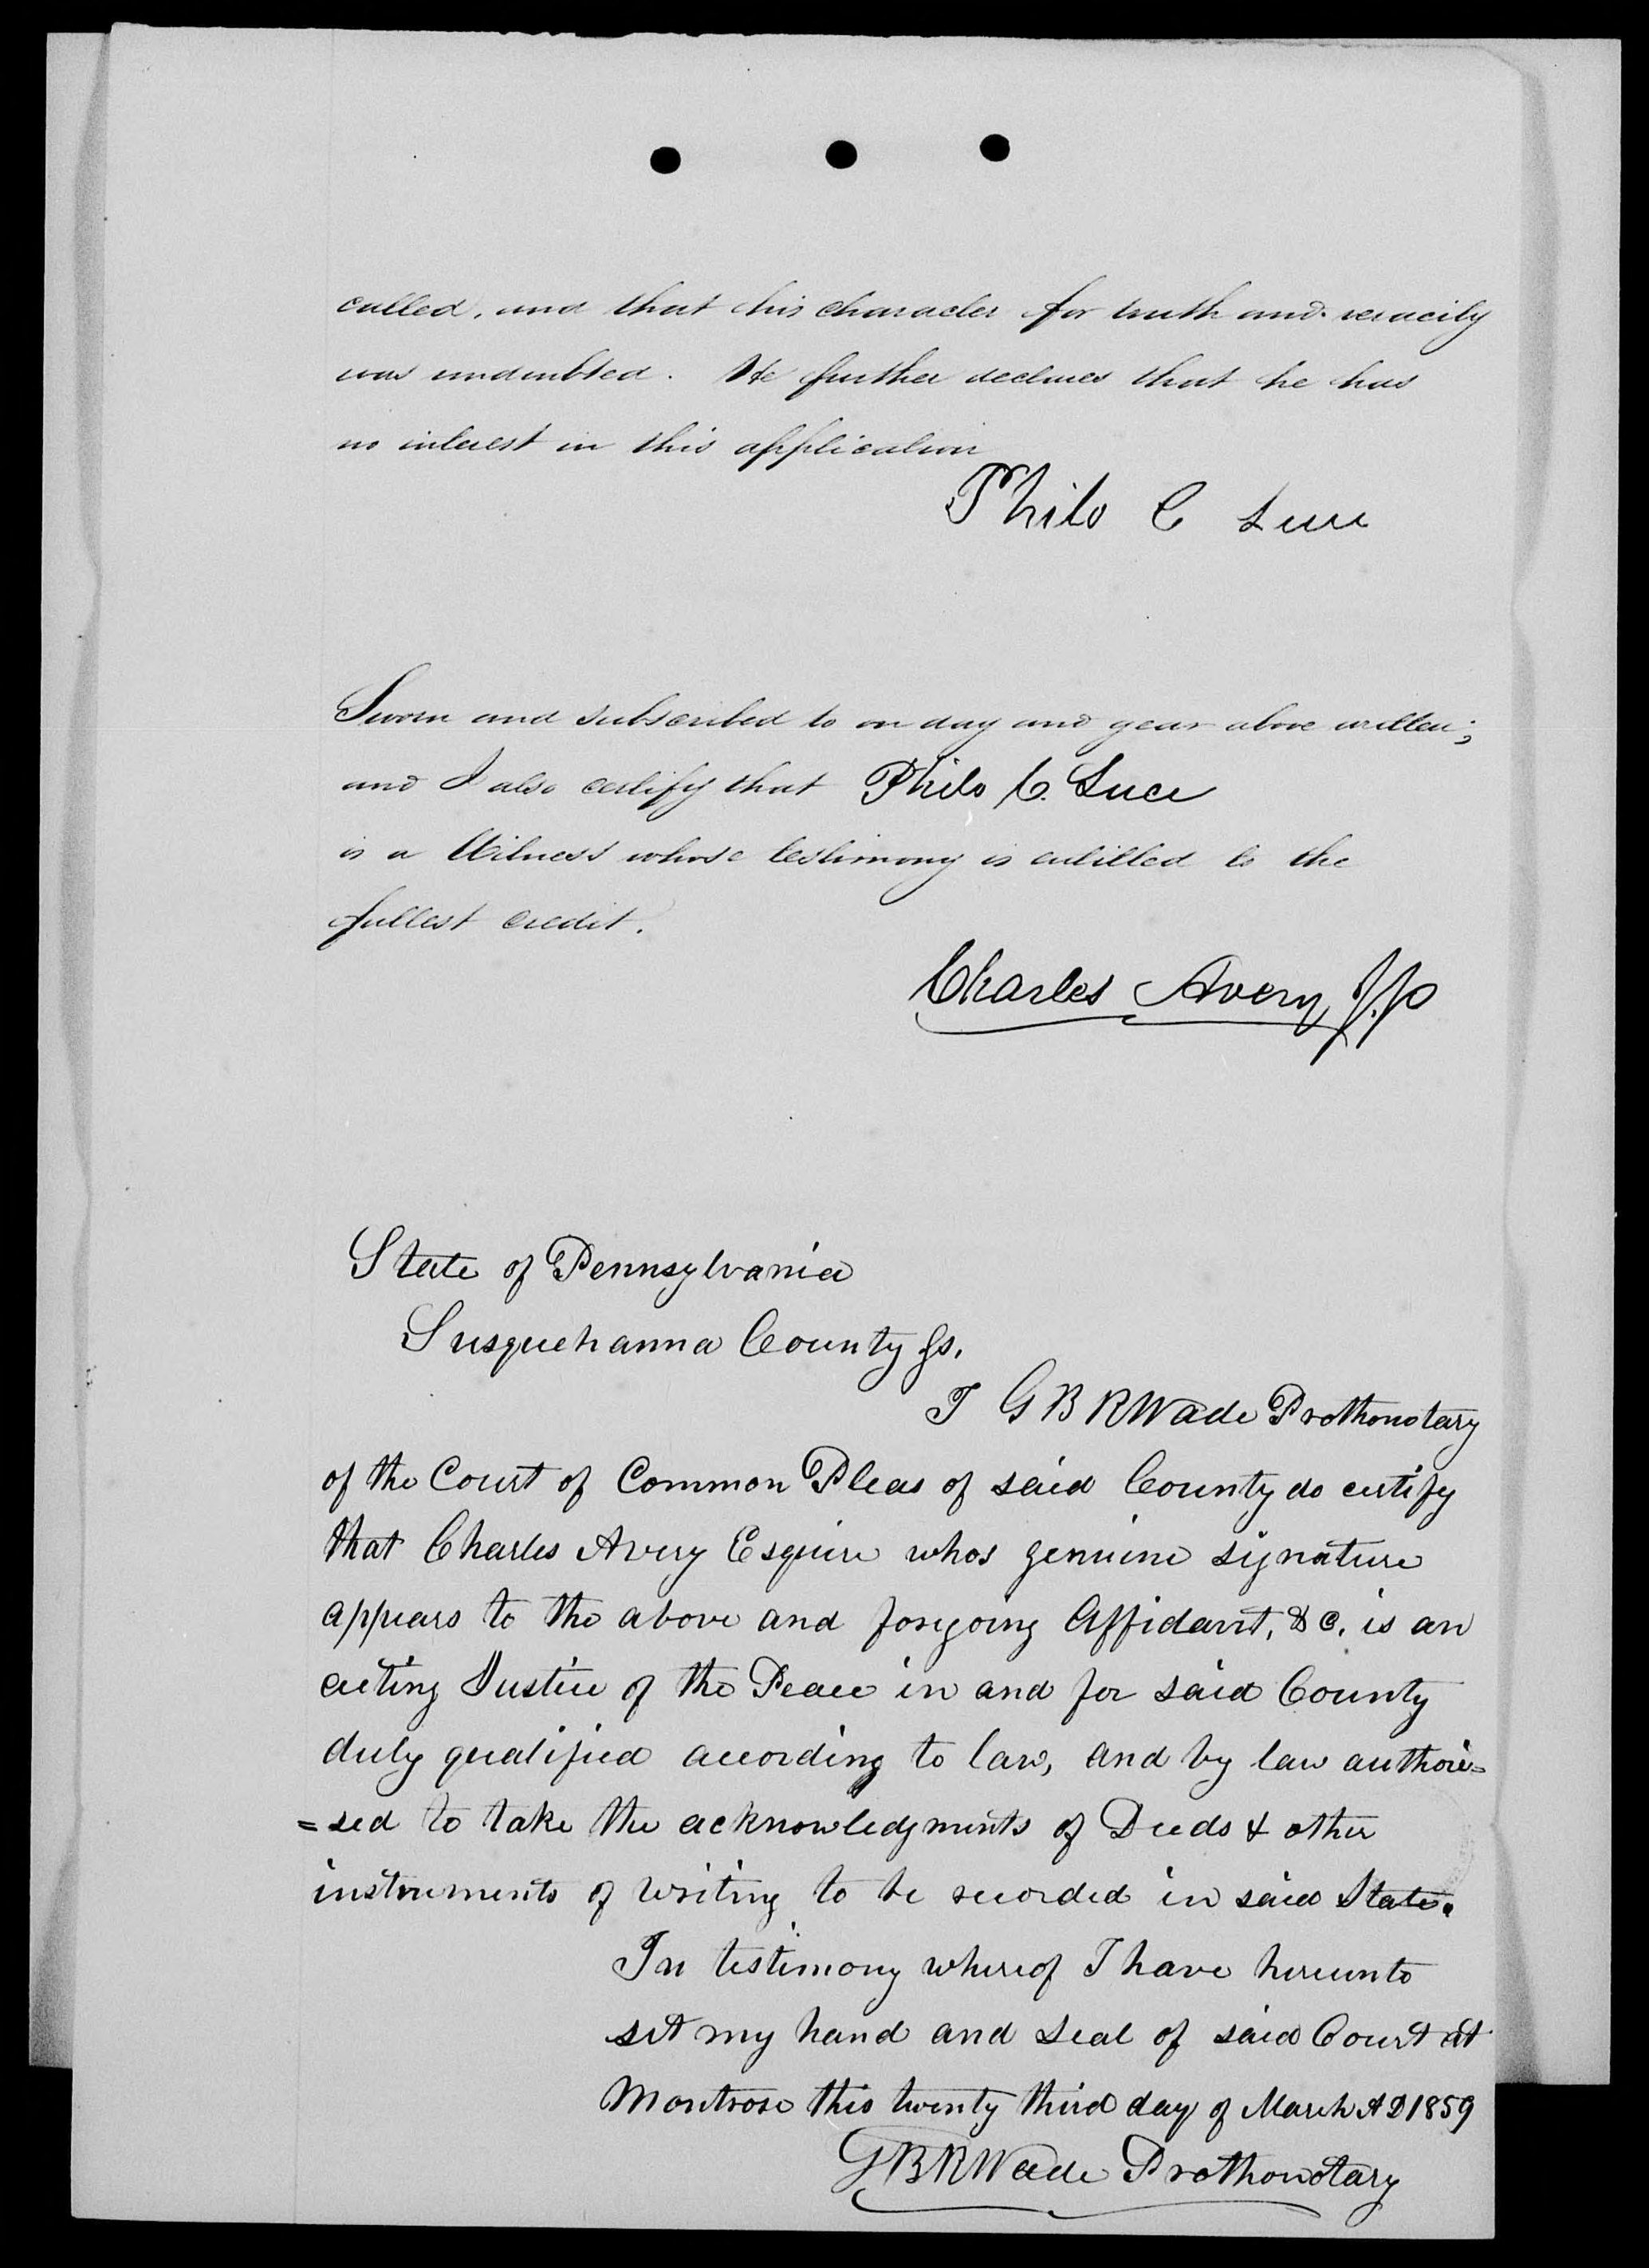Sworn and subscribed to on day and year above written;  and I also certify that Philo C. Luce is a Witness whose testimony is entitled to the fullest credit.

[signed]
Charles Avery J.P.

State of Pennsylvania 
Susquehanna County

I GBR Wade Prothonotary of the Court of Common Pleas of said County do certify that Charles Avery Esquire whos genuine signature appears to the above and foregoing Affidavit, &c. is an acting Justice of the Peace in and for said County duly qualified according to law, and by law authorized to take the acknowledgments of Deeds & other instruments of writing to be recorded in said State.  In testimony whereof I have hereunto set my hand and Seal of said Court at Montrose this twenty third day of Mar AD 1859
[signed]
GBR Wade Prothonotary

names: Charles Avery; G B R Wade; Philo C Luce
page: 9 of 70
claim: rejected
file: R. 6510, for Israel Luce, New York